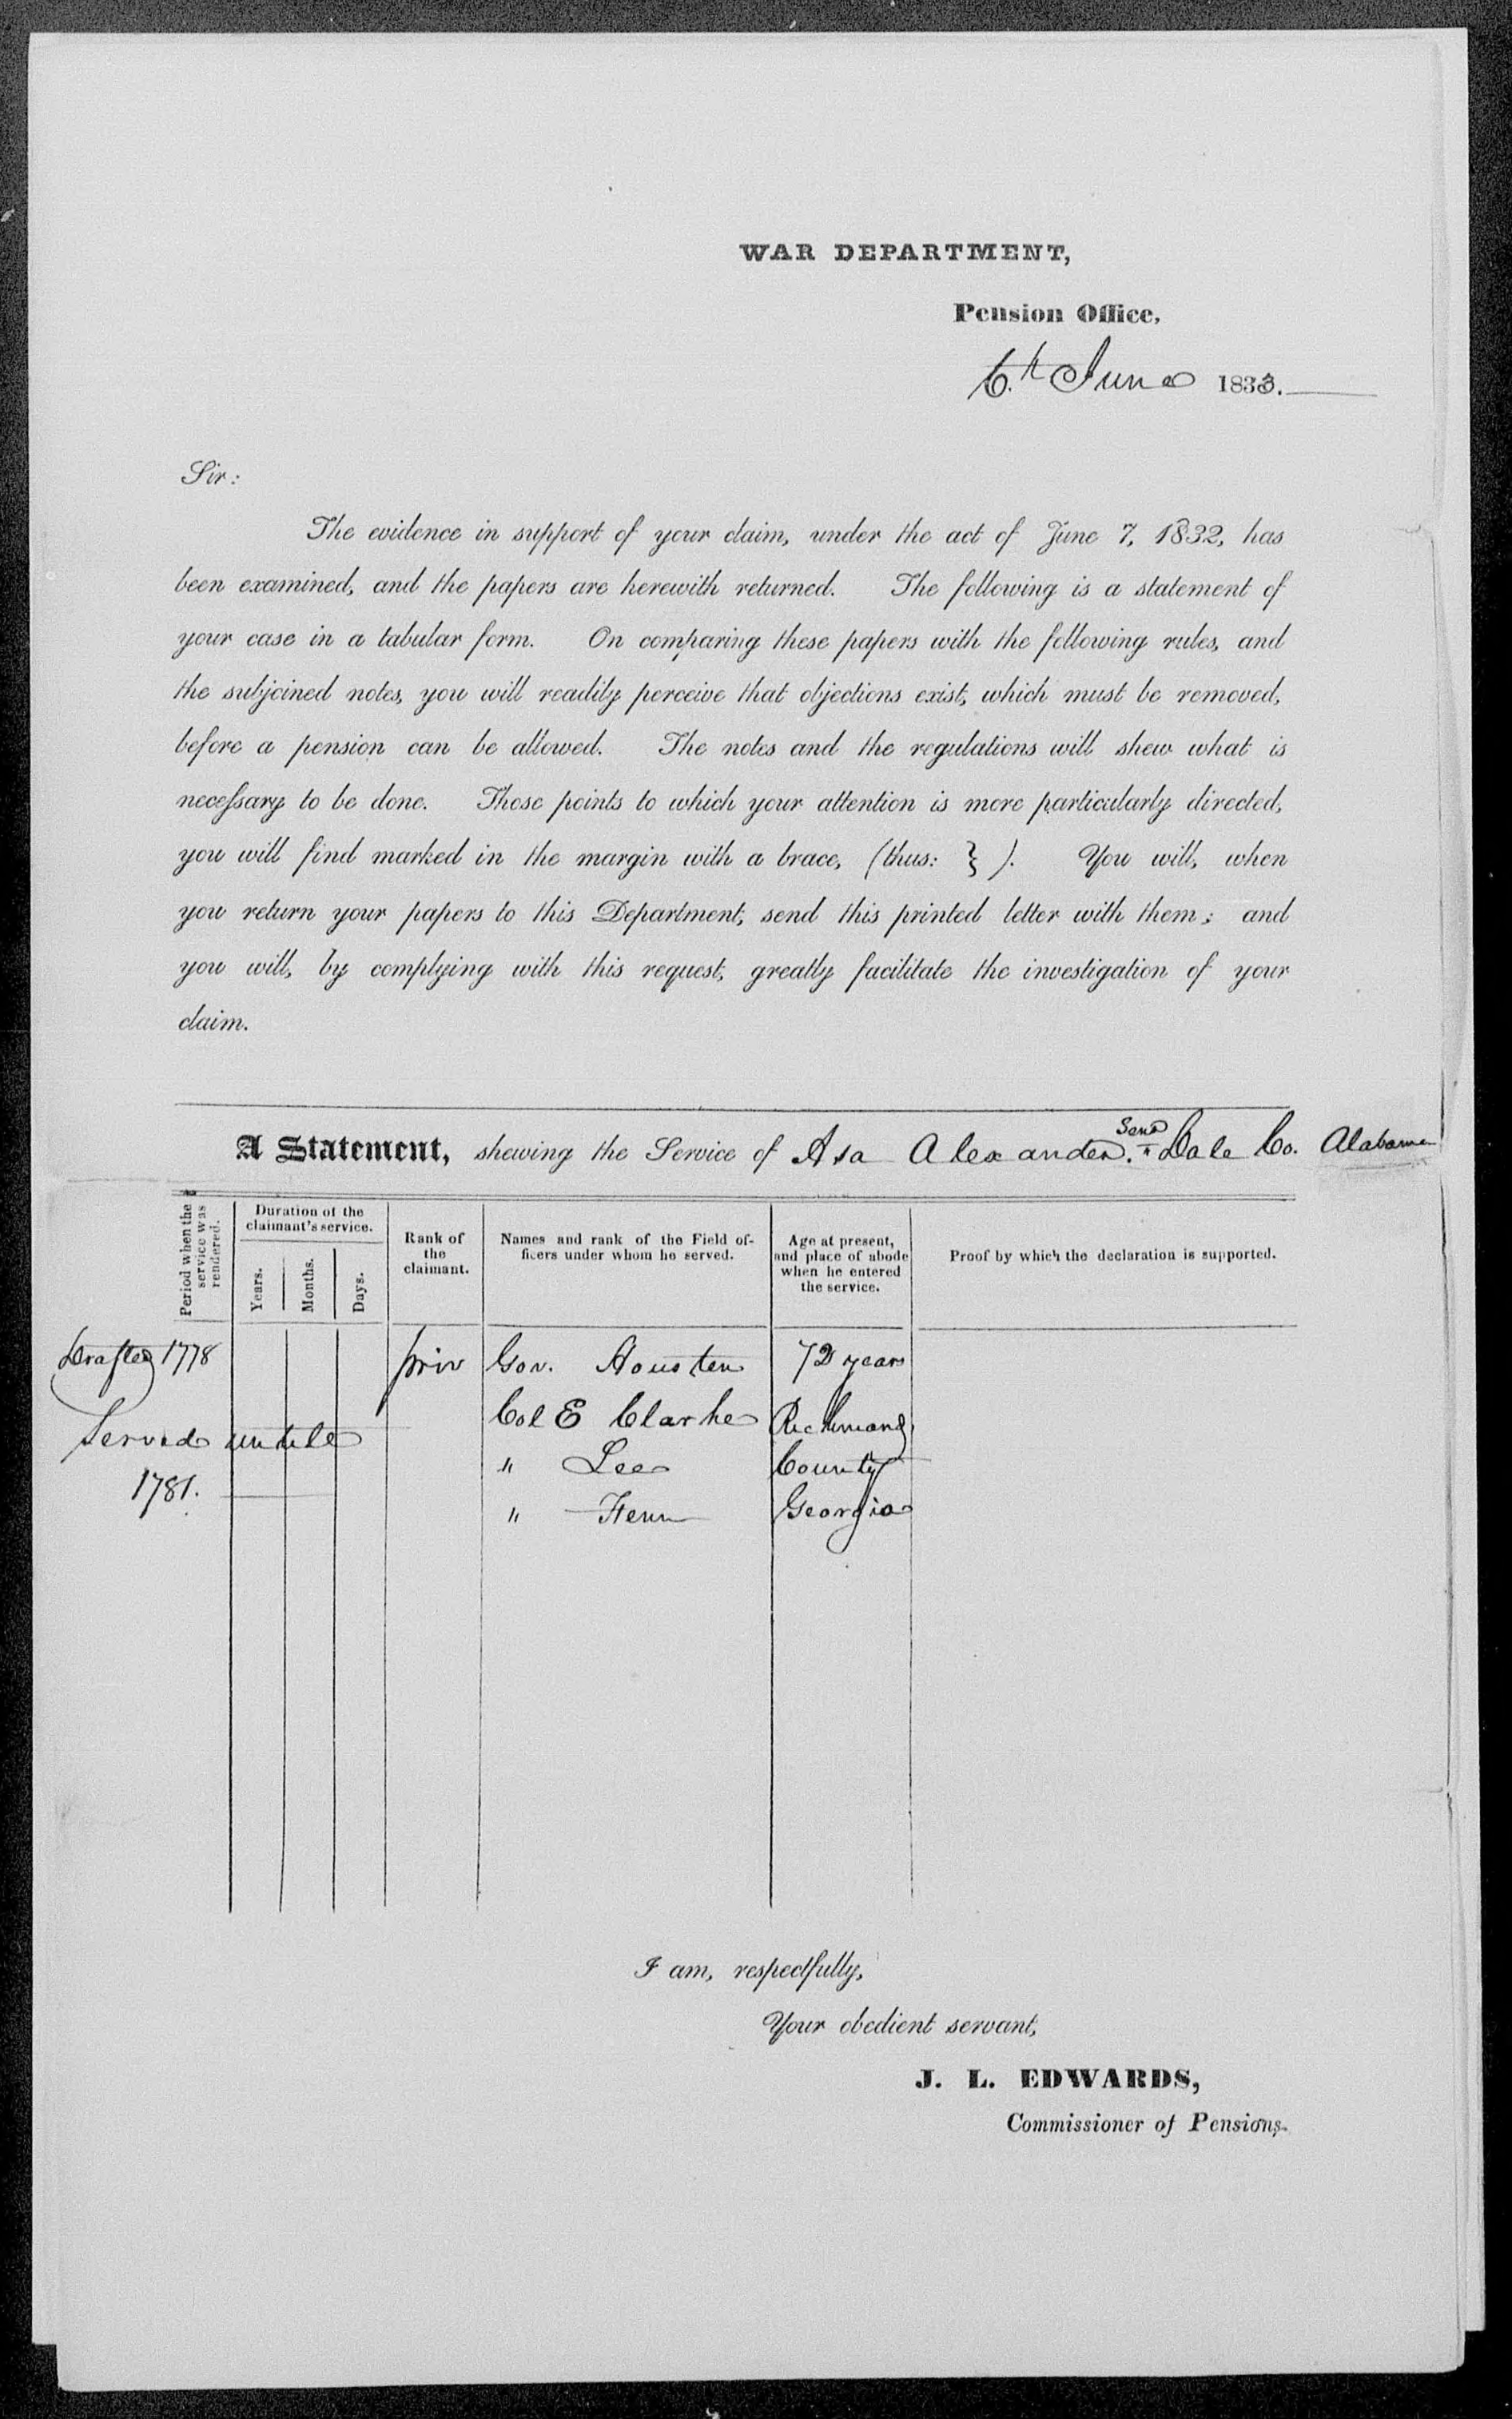War Department,
Pension Office
6th June, 1833.

Sir:

The evidence is in support of your claim, under the act of June 7, 1832, has been examined, and the papers are herewith returned. The following is a statement of your case in a tabular form. On comparing these papers with the following rules and the subjoined notes, you will readily perceive that objections exist, which must be removed, before a pension can be allowed. The notes and the regulations will show what is necessary to be done. Those points to which your attention is more particularly directed, you will find marked in the margin with a brace (thus: } ). You will, when you return your papers to this department, send this printed letter with them; and you will, by complying with this request, greatly facilitate the investigation of your claim.

A statement, showing the service of (handwritten) Asa Alexander. S--r Dale Co. Alabama

[Column headings: Period when the service was rendered. Duration of the claimant's service (Years, Months, Days). Rank of the claimant. Names and rank of the Field officers under whom he served. Age at present and place of abode when he entered the service. Proof by which the declaration is supported.]

1. Drafted 1778. Served until 1781 (Years, Months, and Days left blank). Priv. Gen. Housten, Col. E Clarke, [two dash marks] Lee, [two dash marks] Hev[last letter illegible]. 72 years, Richmond County Georgia. [last column left blank]

I am, respectfully,
Your obedient servant,

J.L Edwards,
Commissioner of Pensions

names: Lee, Fenn, Asa Alexander, Housten, E Clarke, J L Edwards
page: 9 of 35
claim: survivor's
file: S. 32092, Asa Alexander, Ga.